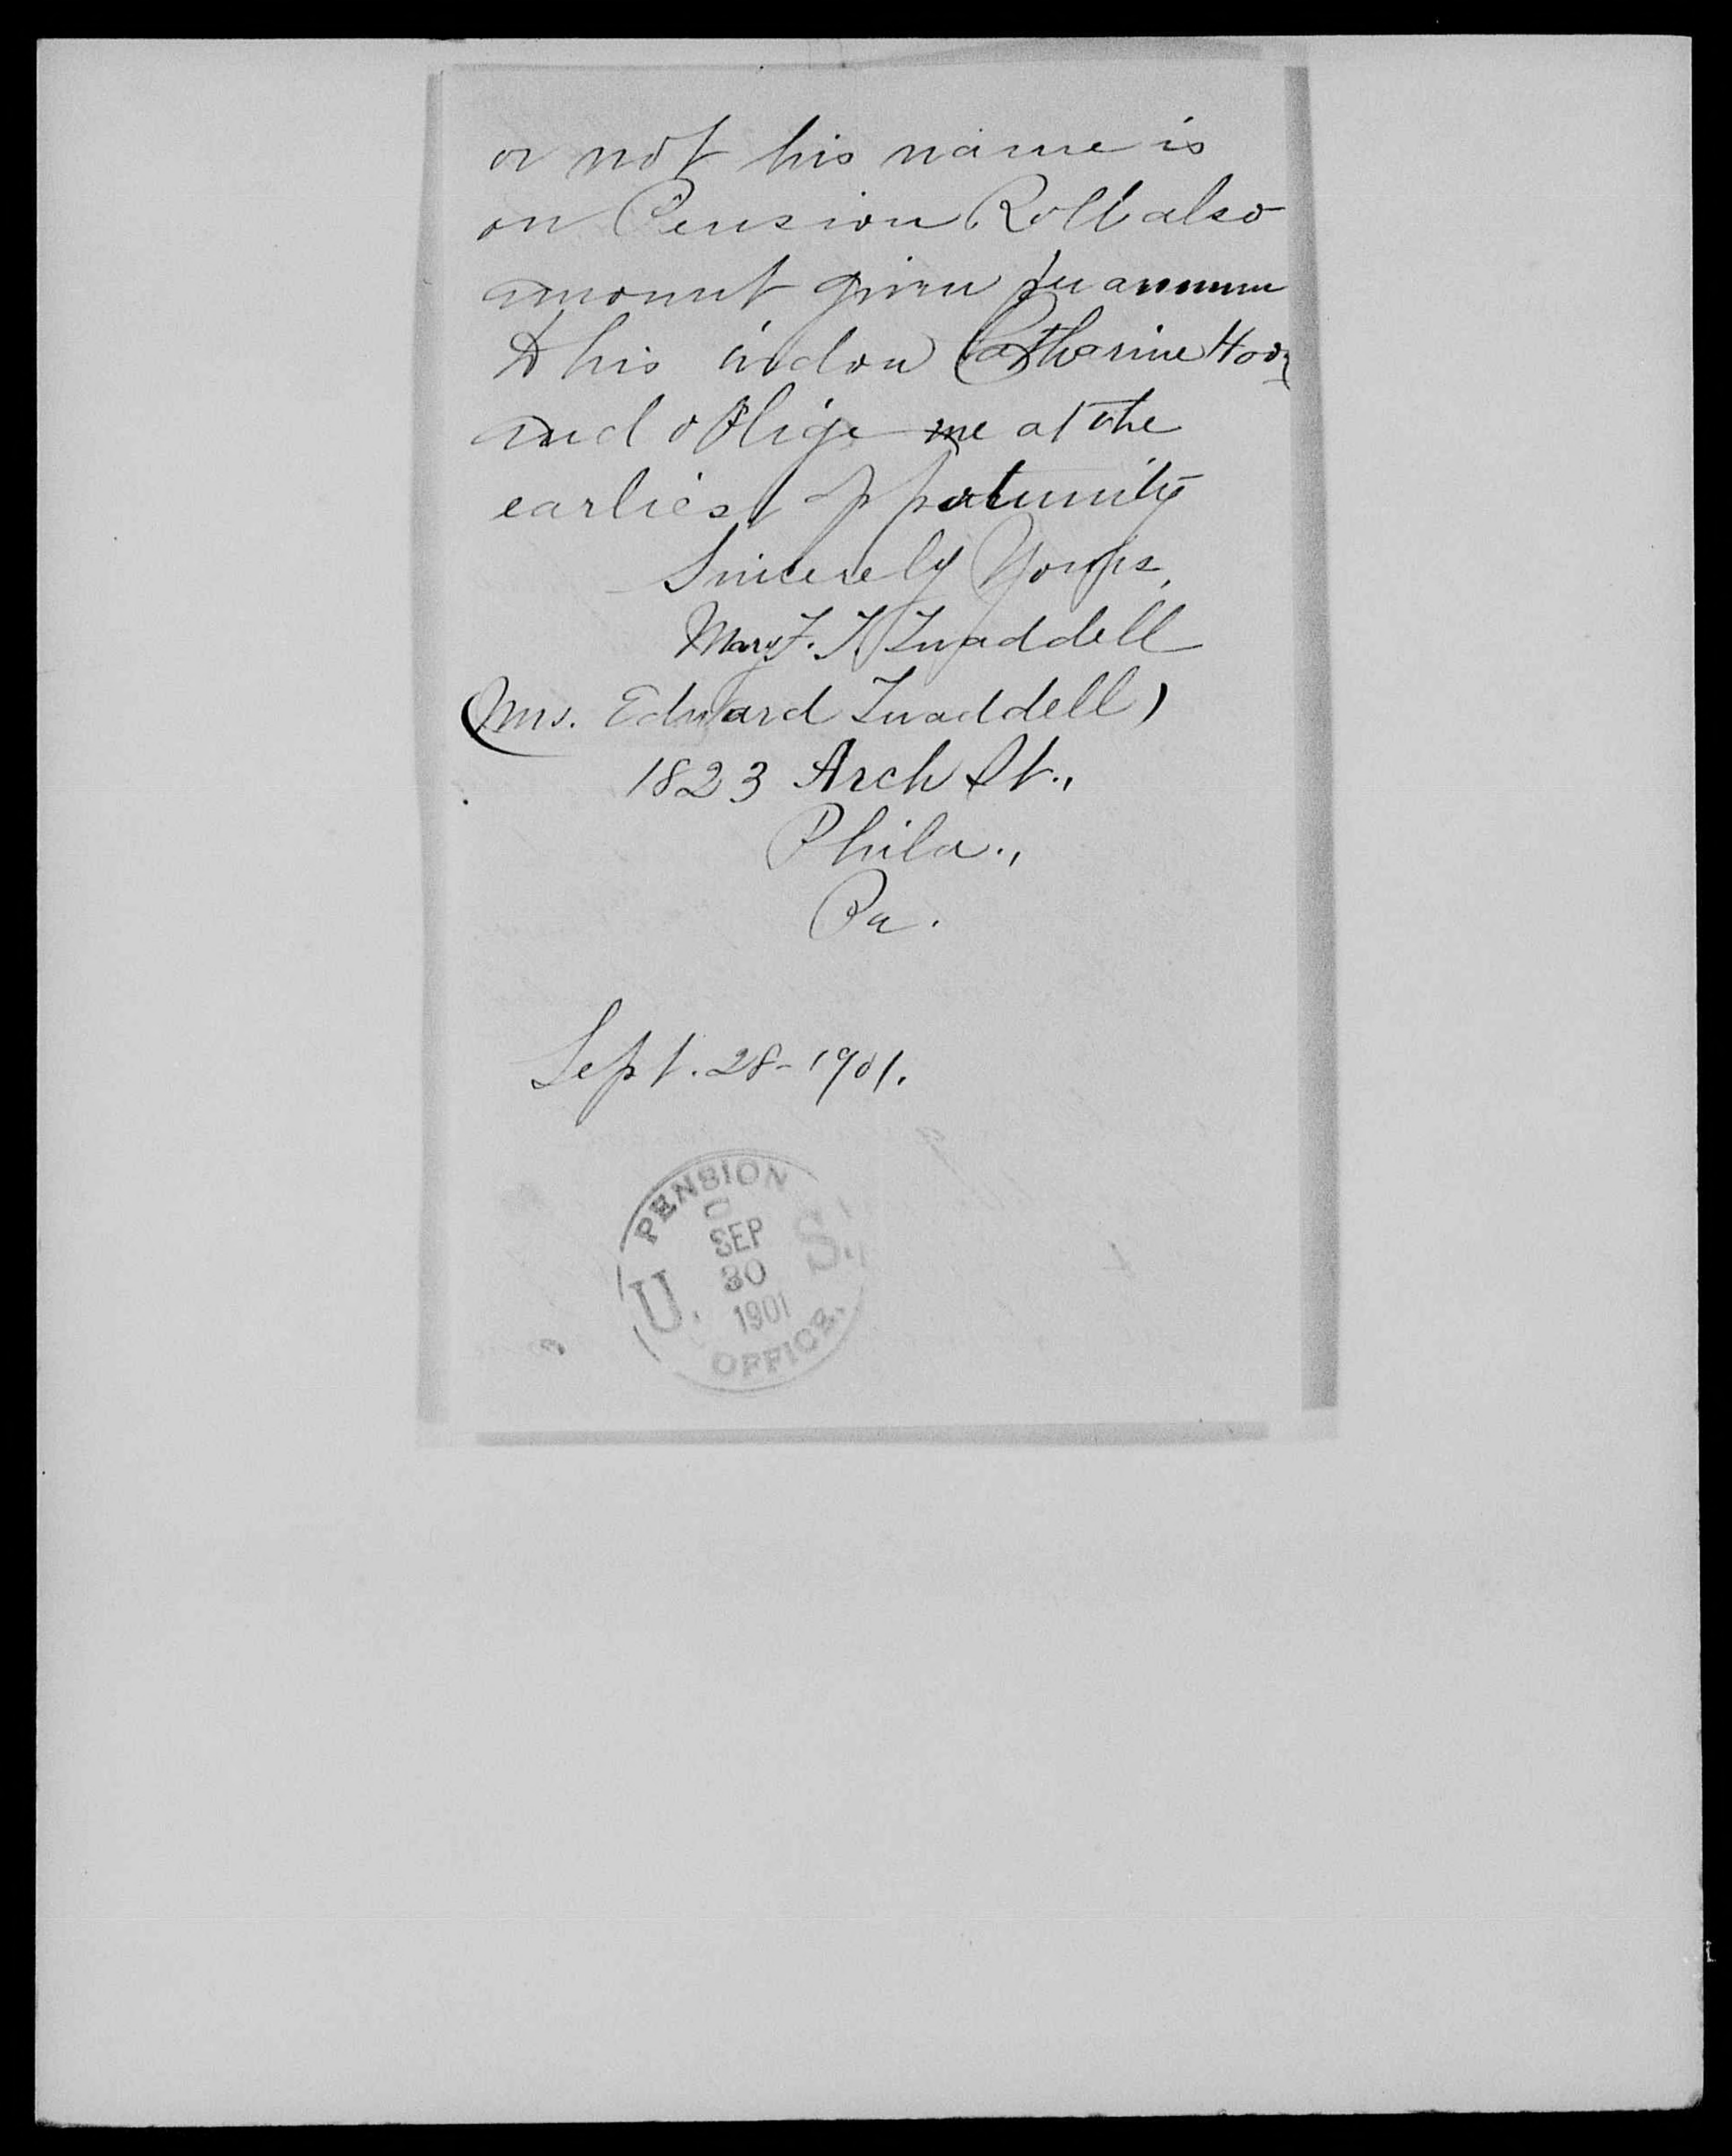Or not his name is on Pension Roll, also amount given per annum. His widow, Catharine Hood, and [Illegible] at the earliest opportunity. 
Sincerely yours,
Mary F. T. Twaddell 
Mrs. Edward Twaddell 
1823 Arch St.
Philadelphia, Pennsylvania

September 28, 1901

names: Catharine Hood, Mary F T Twaddell, Edward Twaddell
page: 51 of 51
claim: widow's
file: W 8939, George Hood, Continental Va.